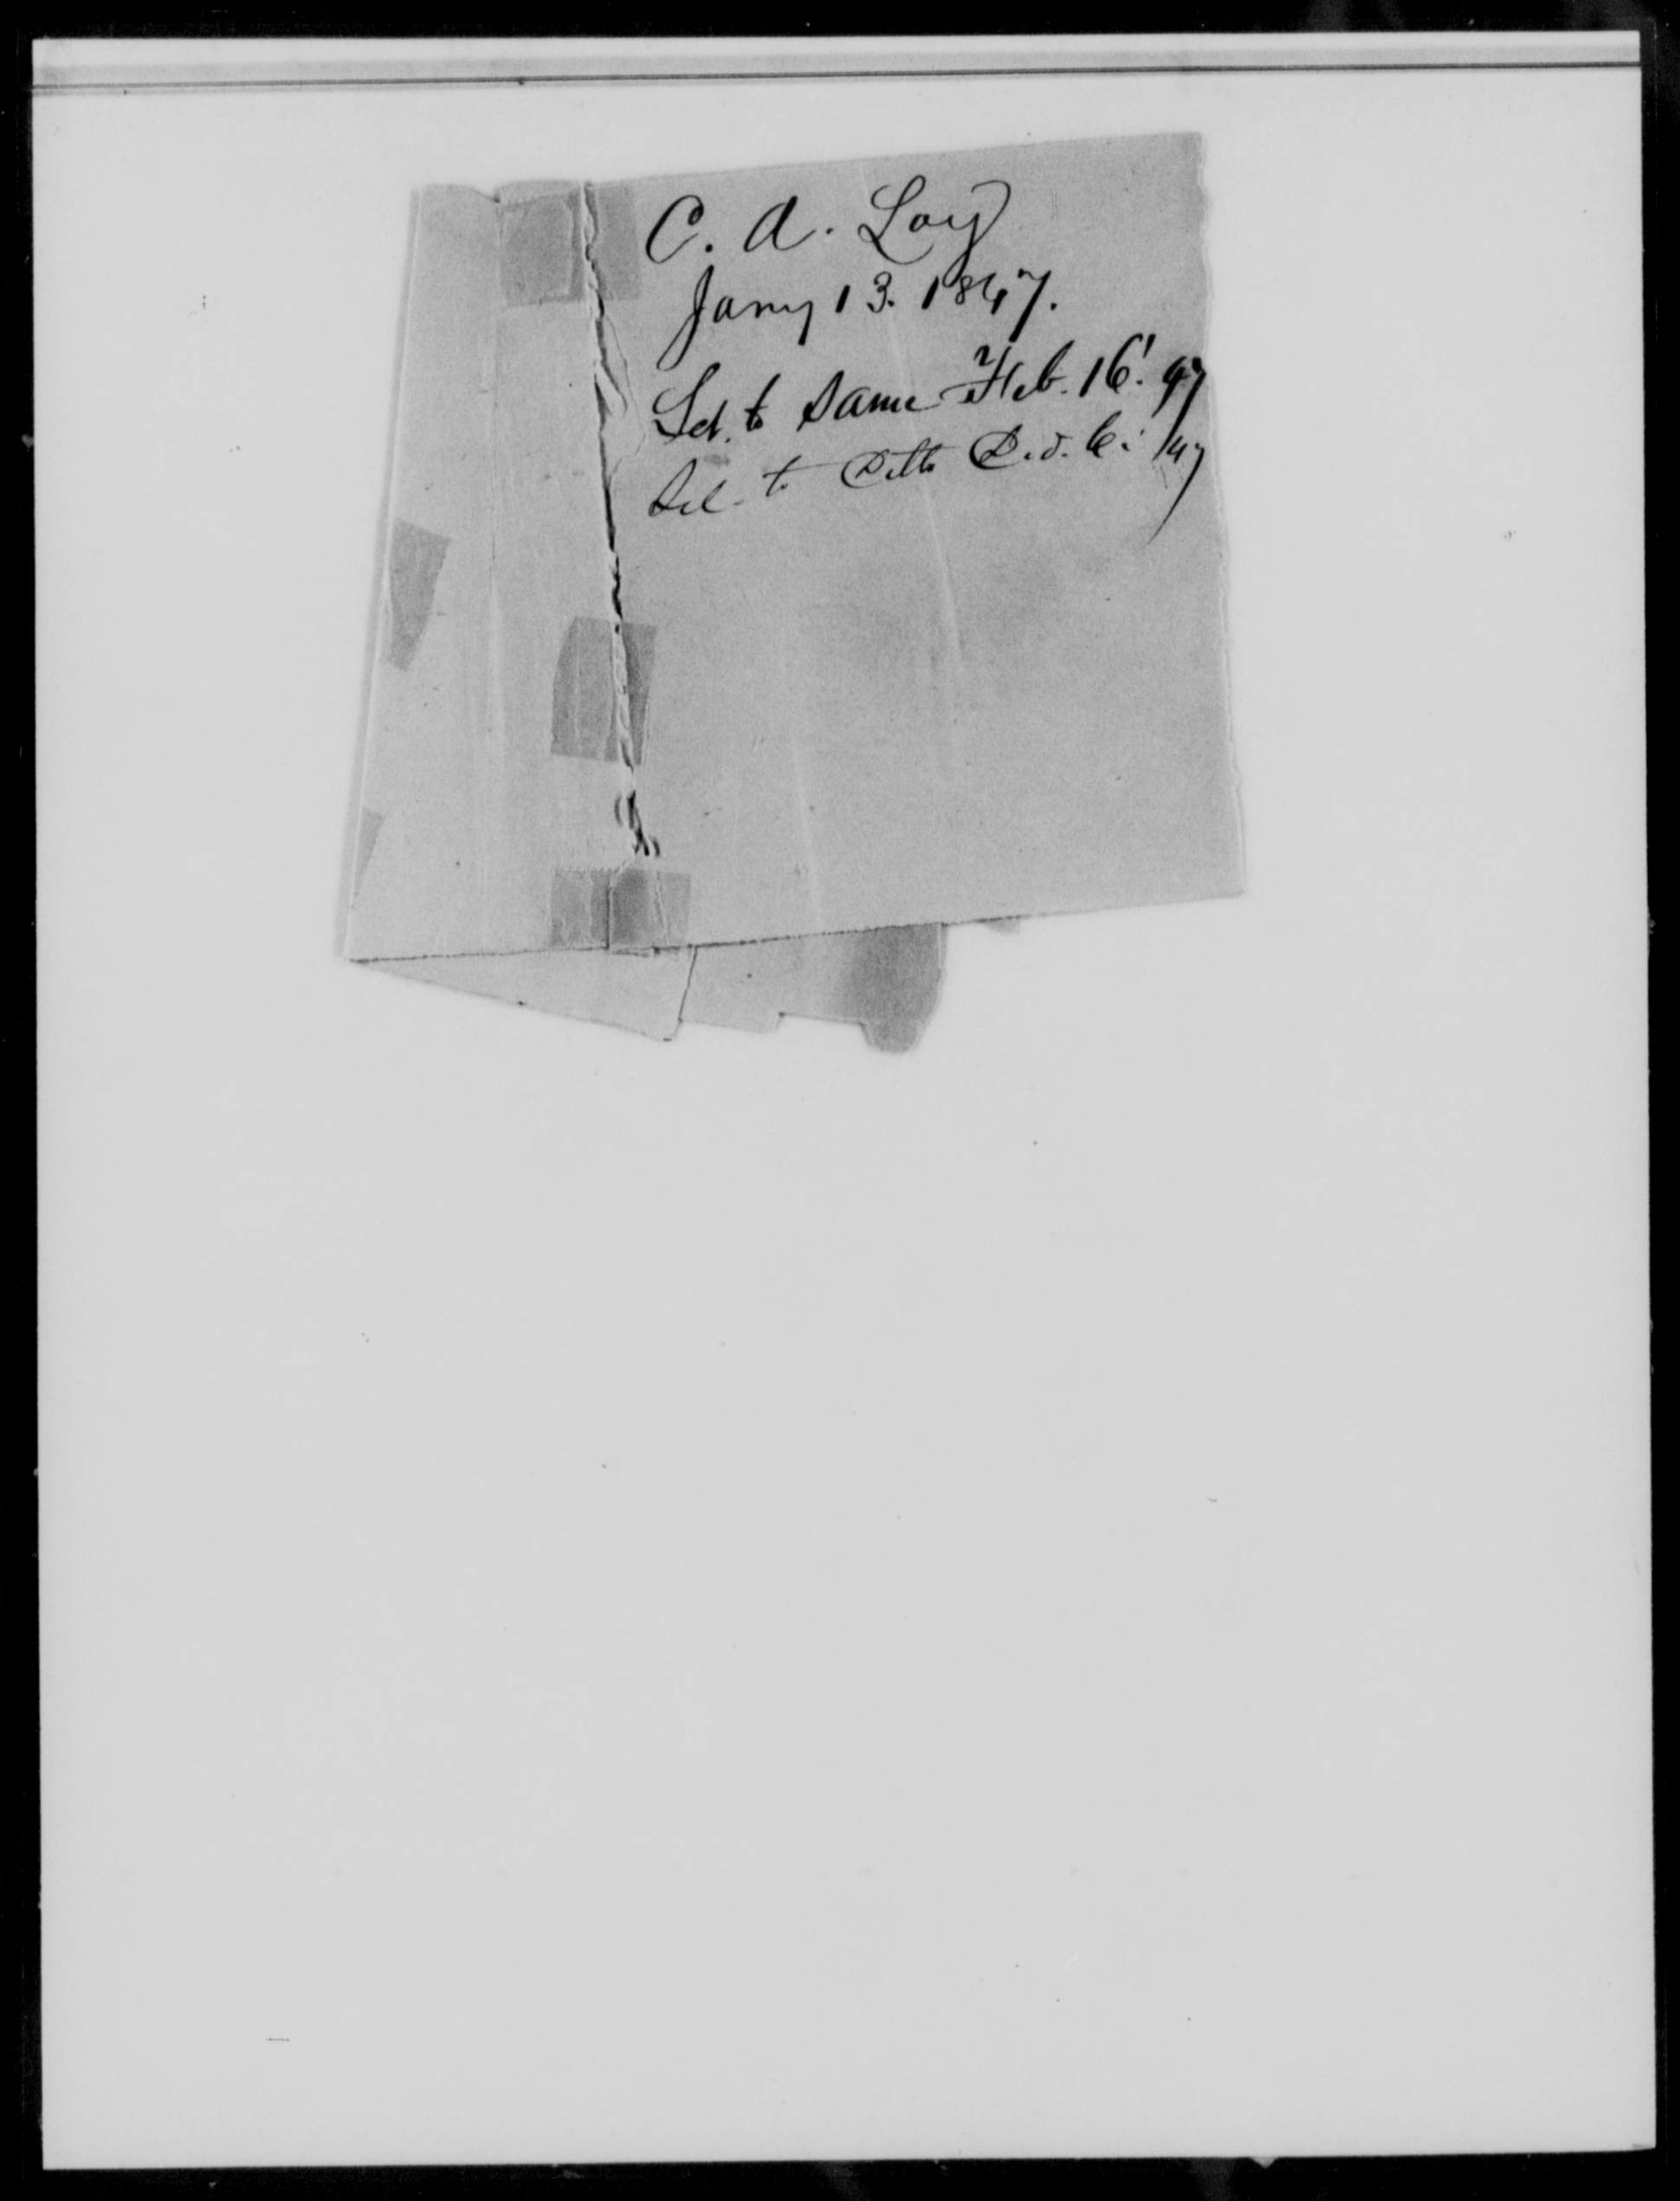C.A. Lay
Jany 13 1867
Let. To same Feb. 16. 47
[illegible]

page: 47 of 101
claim: widow's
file: W. 25481, for Peter V Tilyou, New Jersey